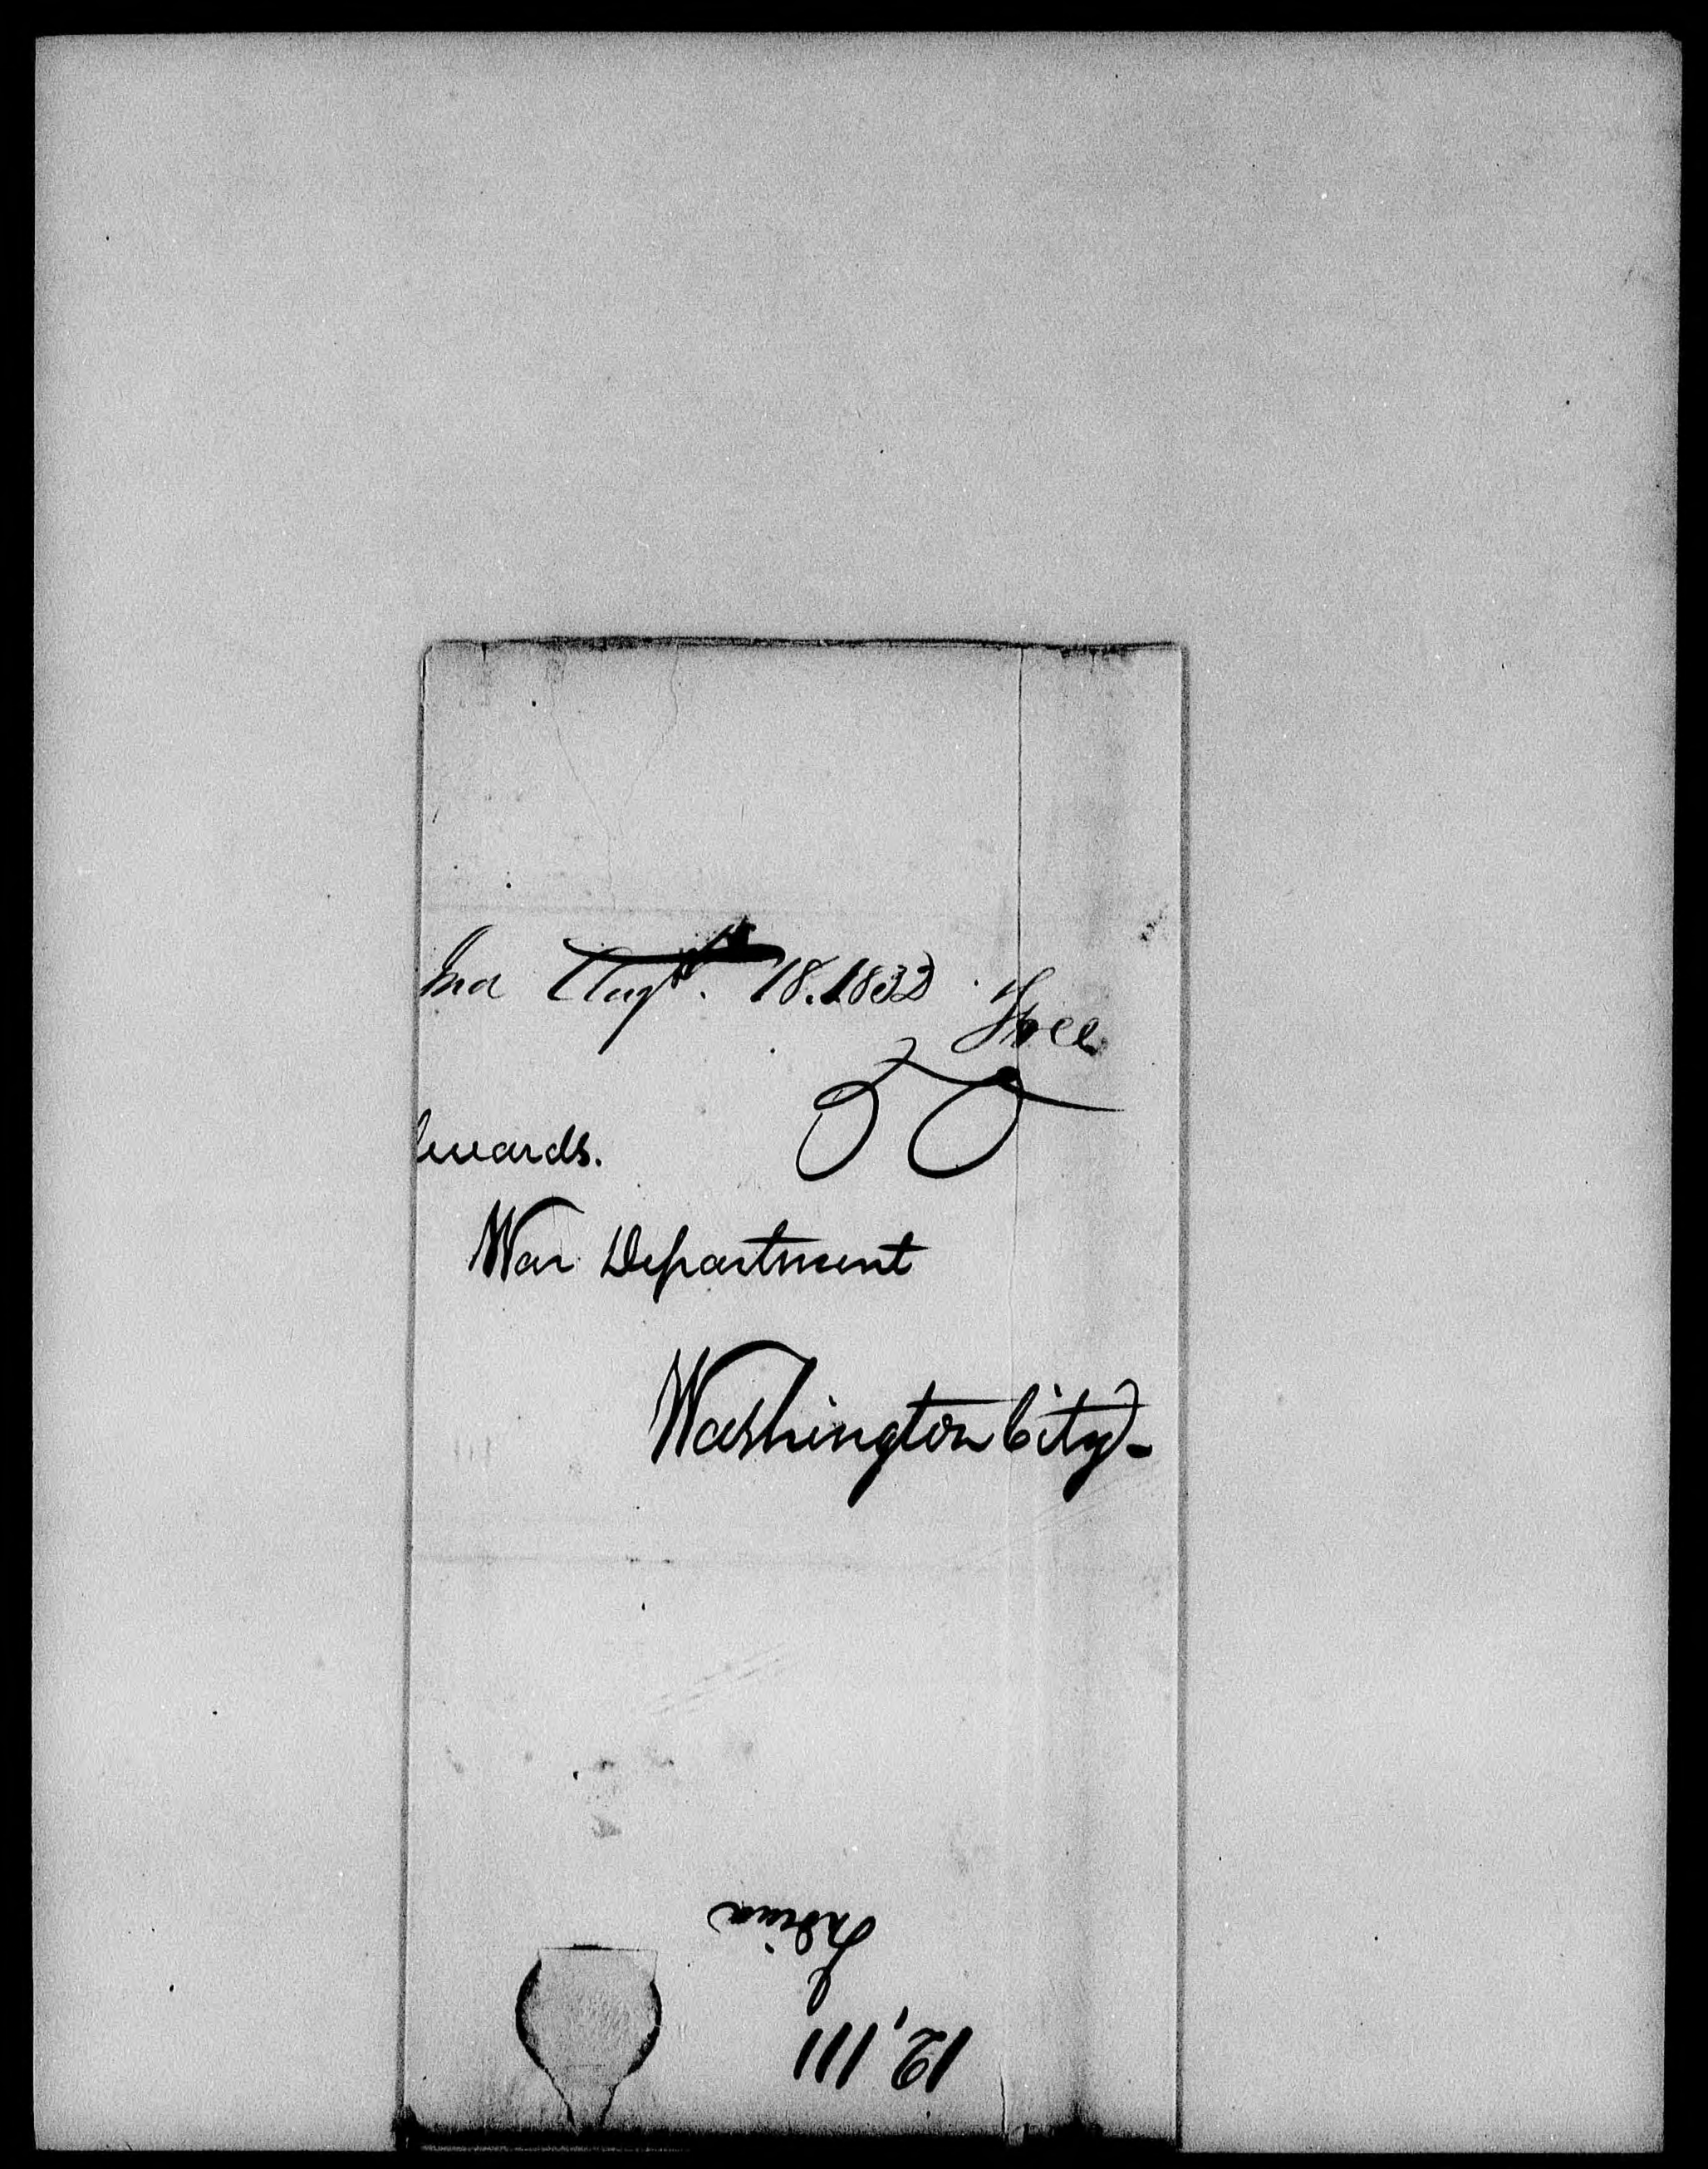Ind Aug 18, 1832

Free
50
dwards
War Department
Washington City.

(Upside down)

12,111
Indiana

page: 15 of 17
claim: survivor's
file: S. 16889, for Epaphras Jones, Connecticut